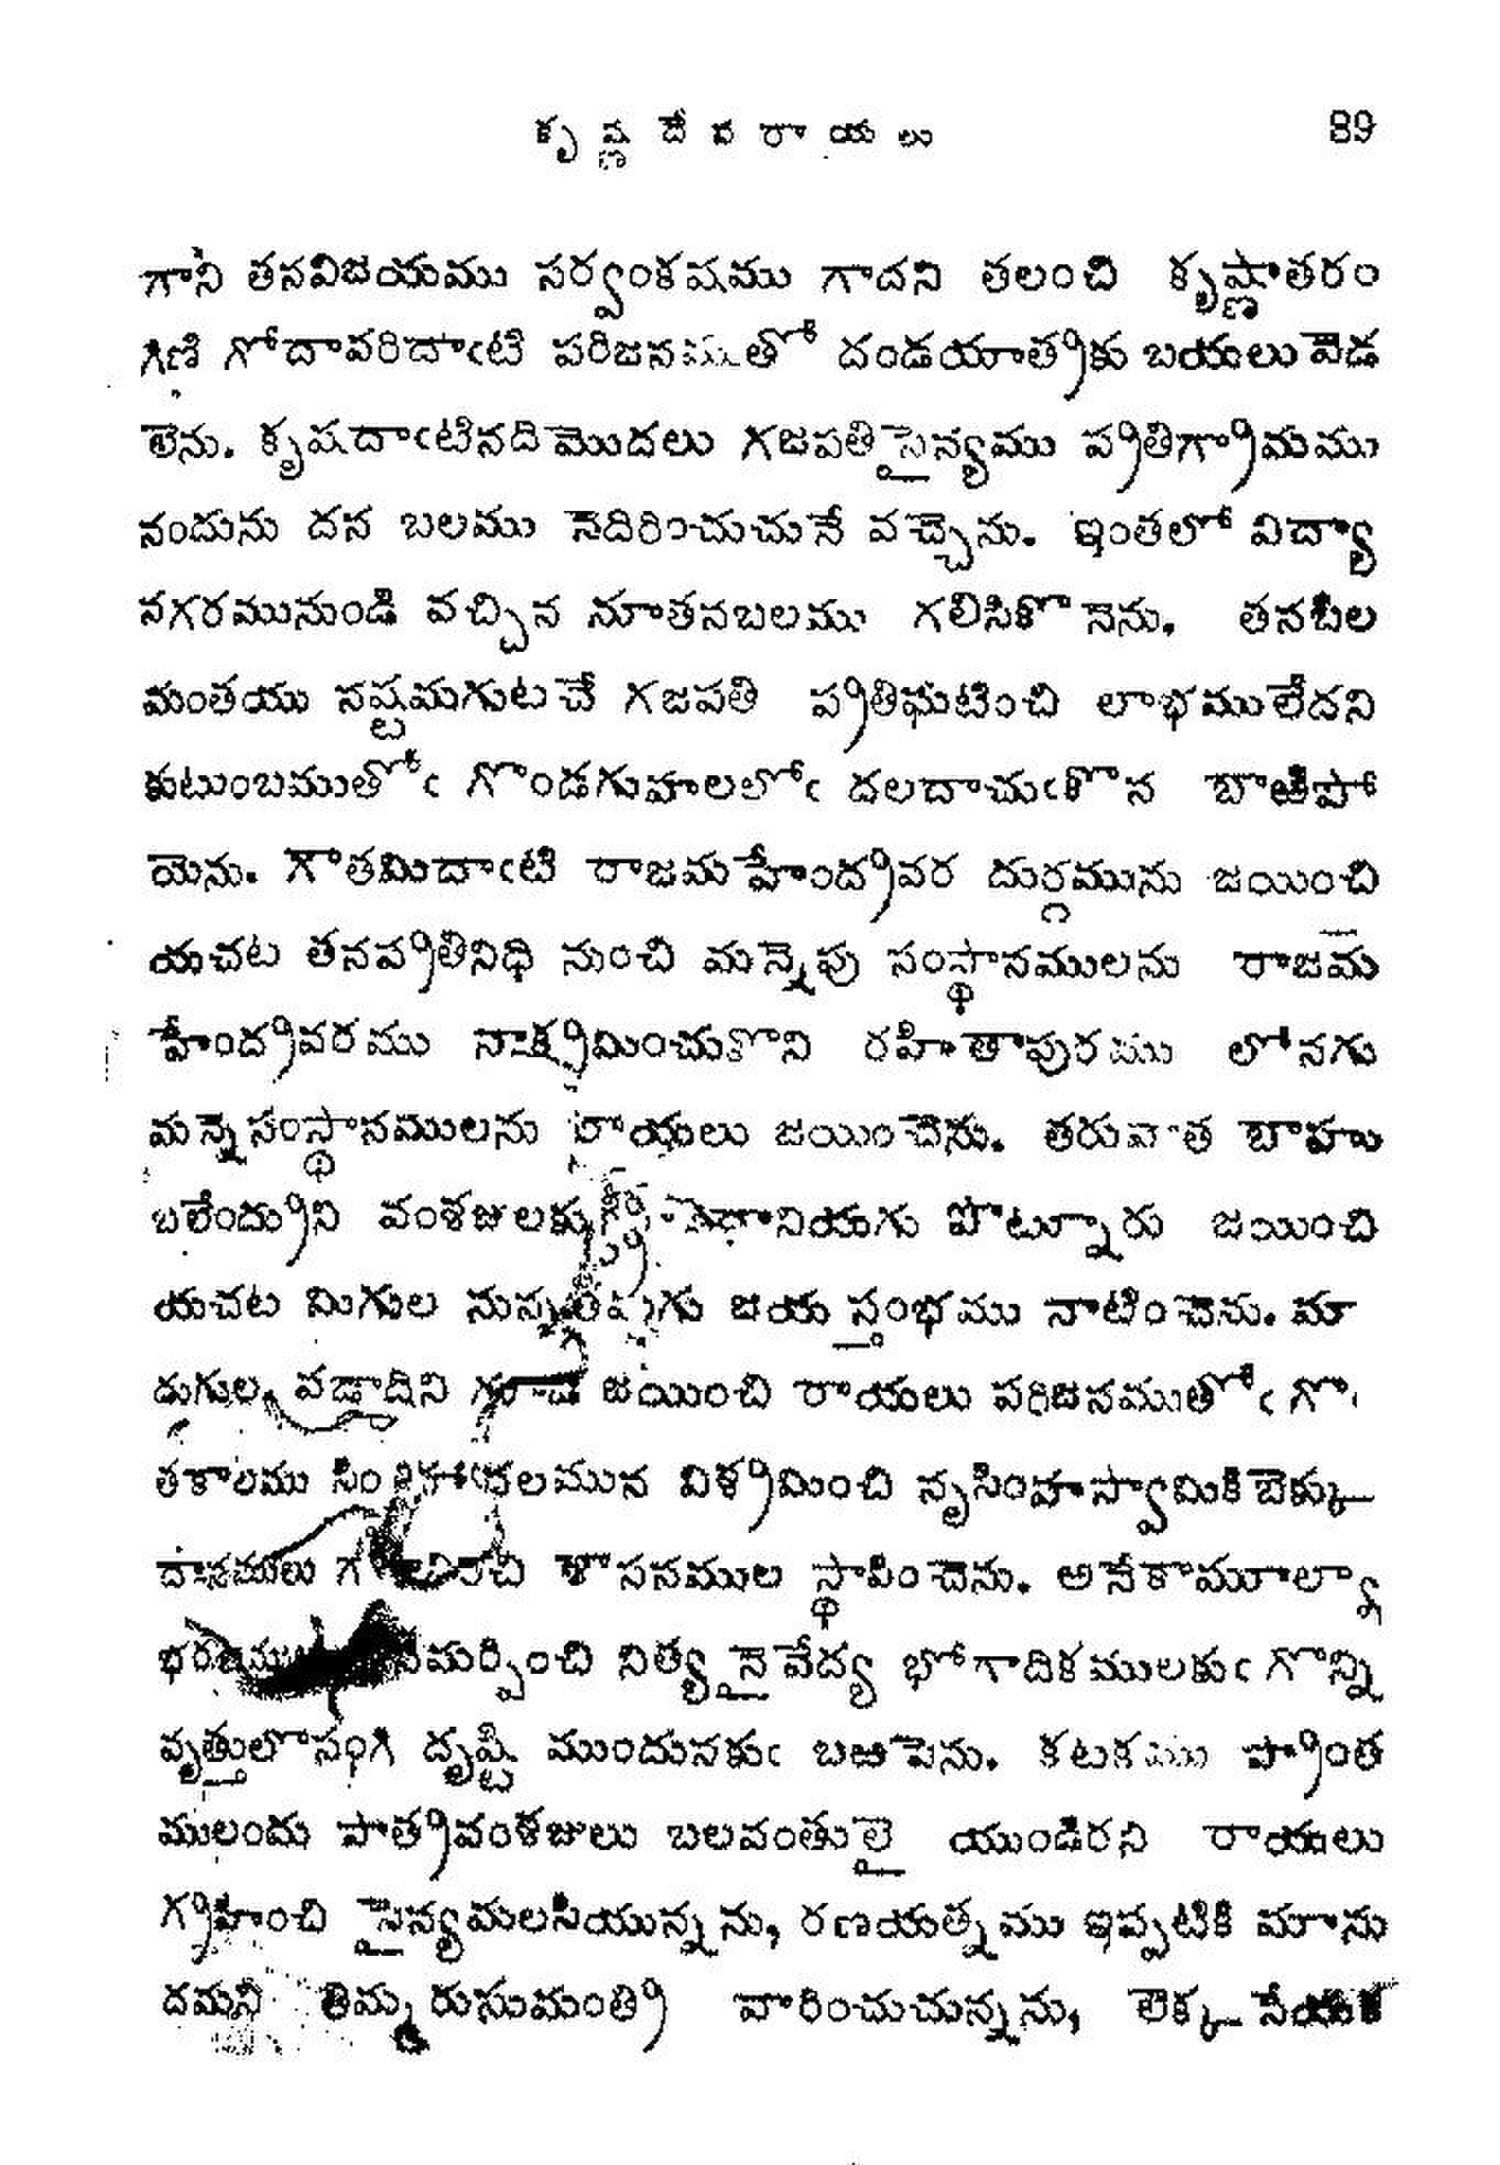గాని తనవిజయము సర్వంకషము గాదని తలంచి కృష్ణాతరంగిణి గోదావరిదాటి పరిజనముతో దండయాత్రకు బయలువెడలెను. కృష్ణదాటినదిమొదలు గజపతిసైన్యము ప్రతిగ్రామమునందును దనబలము నెదిరించుచునే వచ్చెను. ఇంతలో విద్యానగరమునుండి వచ్చిన నూతనబలము గలిసికొనెను. తనబల మంతయు నష్టమగుటచే గజపతి ప్రతిఘటించి లాభములేదని కుటుంబముతో గొండగుహలలో దలదాచుకొన బాఱిపోయెను. గౌతమిదాటి రాజమహేంద్రవర దుర్గమును జయించి యచట తనప్రతినిధి నుంచి మన్నెపు సంస్థానములను రాజమహేంద్రవరము నాక్రమించుకొని రహితాపురము లోనగు మన్నెసంస్థానములను రాయలు జయించెను. తరువాత బాహుబలేంద్రుని వంశజులకు ----ధానియగు పొట్నూరు జయించి యచట మిగుల నున్నతమగు జయస్తంభము నాటించెను. మాడుగుల వడ్డాదిని గూడ జయించి రాయలు పరిజనముతో గొంతకాలము సింహాచలమున విశ్రమించి నృసింహస్వామికిబెక్కుదానములు గావించి శాసనముల స్థాపించెను. అనేకామూల్యాభరణములు సమర్పించి నిత్యనైవేద్య భోగాదికములకు గొన్ని వృత్తులొసంగి దృష్టి ముందునకు బఱపెను. కటకము ప్రాంతములందు సాత్రవంశజులు బలవంతులై యుండిరని రాయలు గ్రహించి సైన్యమలసియున్నను, రణయత్నము ఇప్పటికి మానుదమని తిమ్మరుసుమంత్రి వారించుచున్నను, లెక్కసేయక